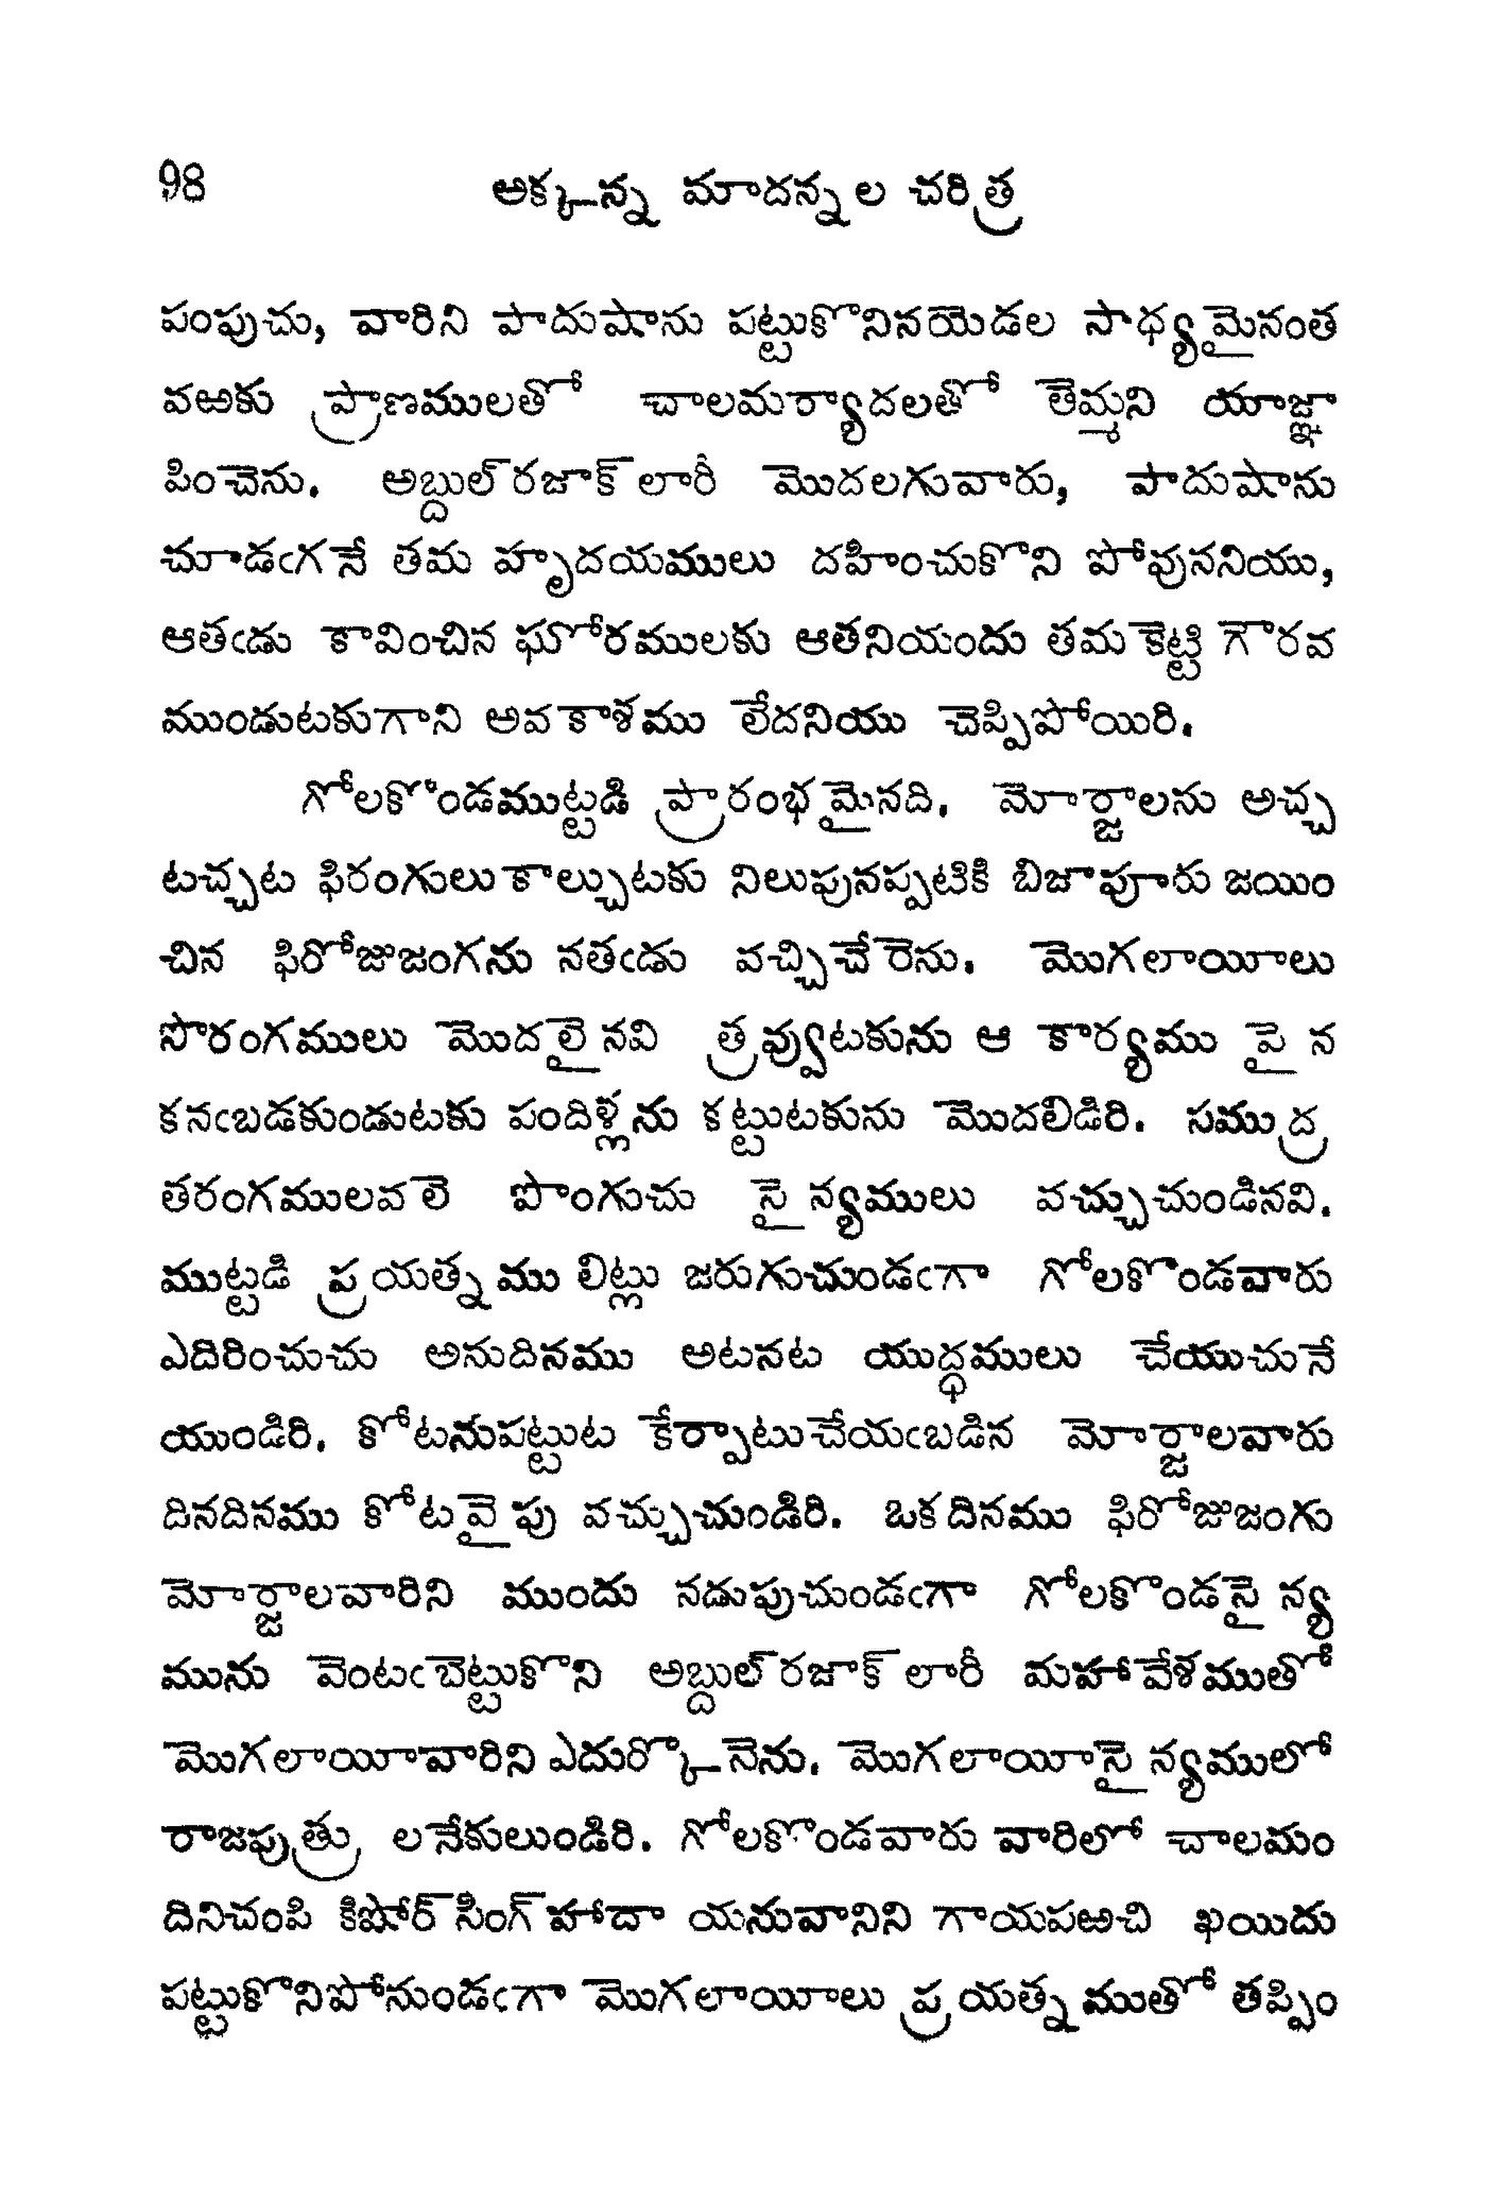పంపుచు, వారిని పాదుషాను పట్టుకొనినయెడల సాధ్యమైనంత వఱకు ప్రాణములతో చాలమర్యాదలతో తెమ్మని యాజ్ఞాపించెను. అబ్దుల్‌రజాక్‌లారీ మొదలగువారు, పాదుషాను చూడఁగనే తమ హృదయములు దహించుకొని పోవుననియు, ఆతఁడు కావించిన ఘోరములకు ఆతనియందు తమకెట్టి గౌరవ ముండుటకుగాని అవకాశము లేదనియు చెప్పిపోయిరి.

గోలకొండముట్టడి ప్రారంభమైనది. మోర్జాలను అచ్చటచ్చట ఫిరంగులు కాల్చుటకు నిలుపునప్పటికి బిజాపూరు జయించిన ఫిరోజుజంగను నతఁడు వచ్చిచేరెను. మొగలాయీలు సొరంగములు మొదలైనవి త్రవ్వుటకును ఆ కార్యము పైన కనఁబడకుండుటకు పందిళ్లను కట్టుటకును మొదలిడిరి. సముద్ర తరంగములవలె పొంగుచు సైన్యములు వచ్చుచుండినవి. ముట్టడి ప్రయత్నము లిట్లు జరుగుచుండఁగా గోలకొండవారు ఎదిరించుచు అనుదినము అటనట యుద్ధములు చేయుచునే యుండిరి. కోటనుపట్టుట కేర్పాటుచేయఁబడిన మోర్జాలవారు దినదినము కోటవైపు వచ్చుచుండిరి. ఒకదినము ఫిరోజుజంగు మోర్జాలవారిని ముందు నడుపుచుండఁగా గోలకొండసైన్యమును వెంటఁబెట్టుకొని అబ్దుల్‌రజాక్‌లారీ మహావేశముతో మొగలాయీవారిని ఎదుర్కొనెను. మొగలాయీసైన్యములో రాజపుత్రు లనేకులుండిరి. గోలకొండవారు వారిలో చాలమందినిచంపి కిషోర్ సింగ్‌హాదా యనువానిని గాయపఱచి ఖయిదు పట్టుకొనిపోనుండఁగా మొగలాయీలు ప్రయత్నముతో తప్పిం